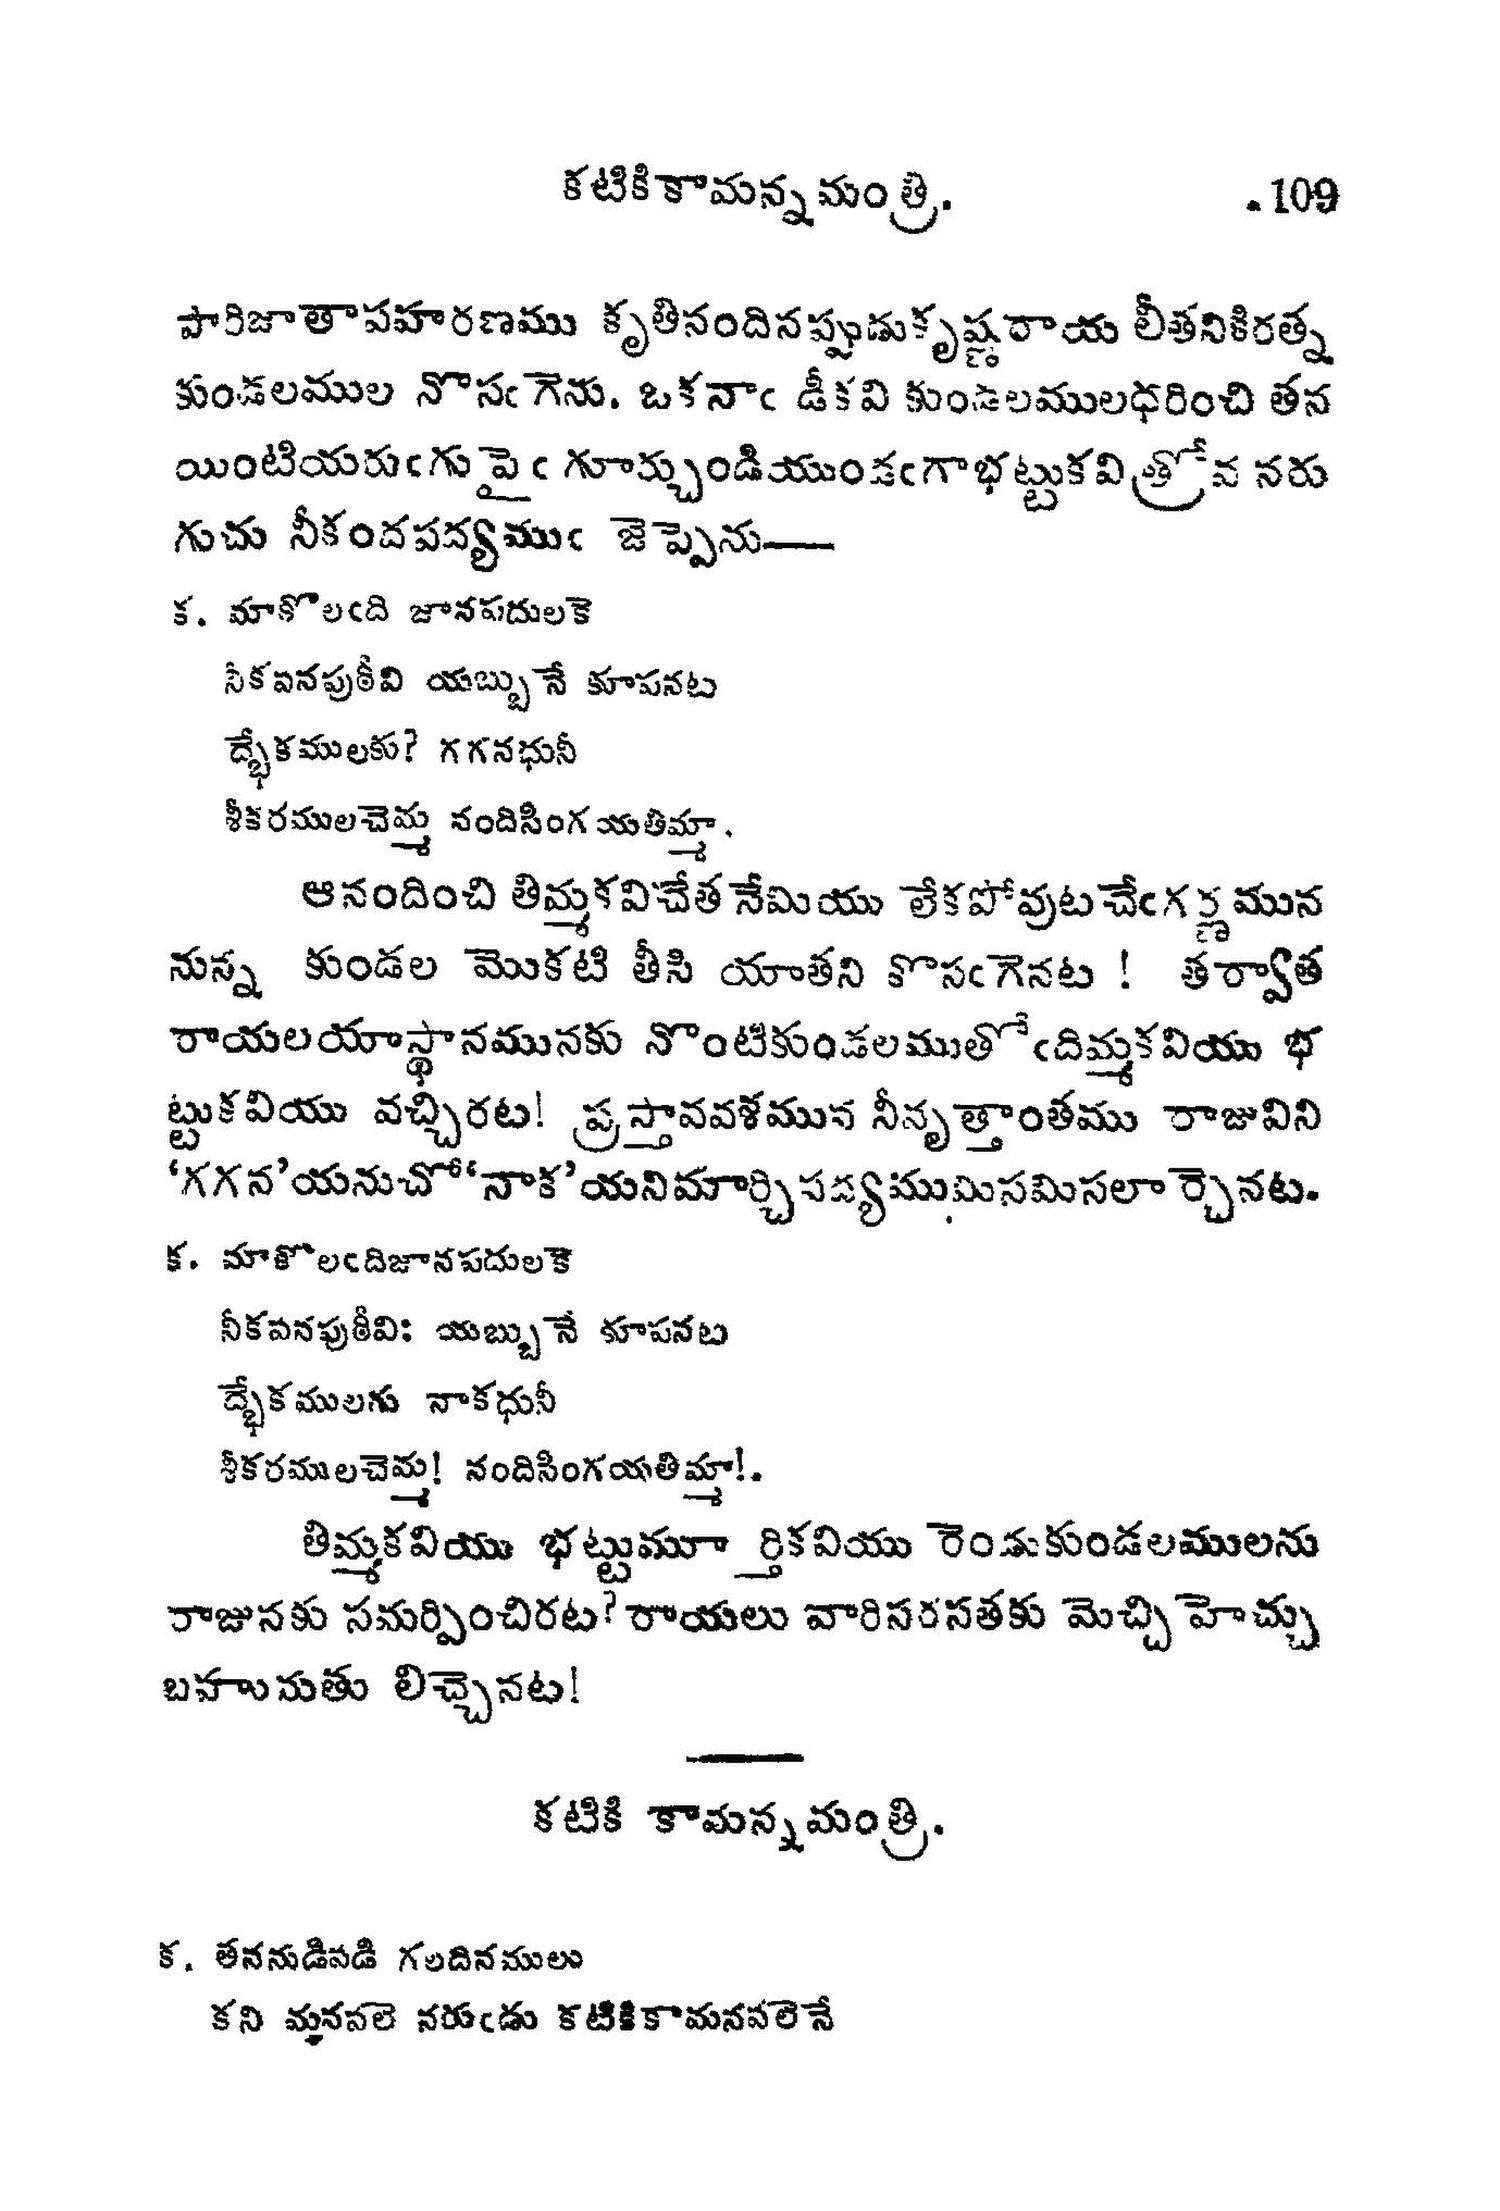పారిజాతాపహరణము కృతినందినప్పుడు కృష్ణరాయ లీతనికి రత్నకుండలముల నొసఁగెను. ఒకనాఁ డీకవి కుండలముల ధరించి తన యింటియరుఁగుపైఁ గూర్చుండియుండఁగా భట్టుకవి త్రోవ నరుగుచు నీకందపద్యముఁ జెప్పెను—
క. మాకొలఁది జానపదులకె
 నీకవనపుఠీవి యబ్బునే కూపనట
 ద్భేకములకు? గగనధునీ
 శీకరములచెమ్మ నందిసింగయతిమ్మా.
ఆనందించి తిమ్మకవి చేత నేమియు లేకపోవుటచేఁ గర్ణమున నున్న కుండల మొకటి తీసి యాతని కొసఁగెనఁట! తర్వాత రాయలయాస్థానమునకు నొంటికుండలముతోఁ దిమ్మకవియు భట్టుకవియు వచ్చిరఁట! ప్రస్తావవశమున నీవృత్తాంతము రాజు విని ‘గగన’యనుచో ‘నాక’యని మార్చి పద్యము మిసమిసలార్చెనట.
క. మాకొలఁది జానపదులకె
 నీకవనపుఠీవి యబ్బునే కూపనట
 ద్భేకములకు నాకధునీ
 శీకరములచెమ్మ! నందిసింగయతిమ్మా!
తిమ్మకవియు భట్టుమూర్తికవియు రెండుకుండలములను రాజునకు సమర్పించిరఁట! రాయలు వారిసరసతకు మెచ్చి హెచ్చు బహుమతు లిచ్చెనఁట!

క. తననుడివడి గలదినములు
 కని మనవలె నరుఁడు కటికికామనవలెనే